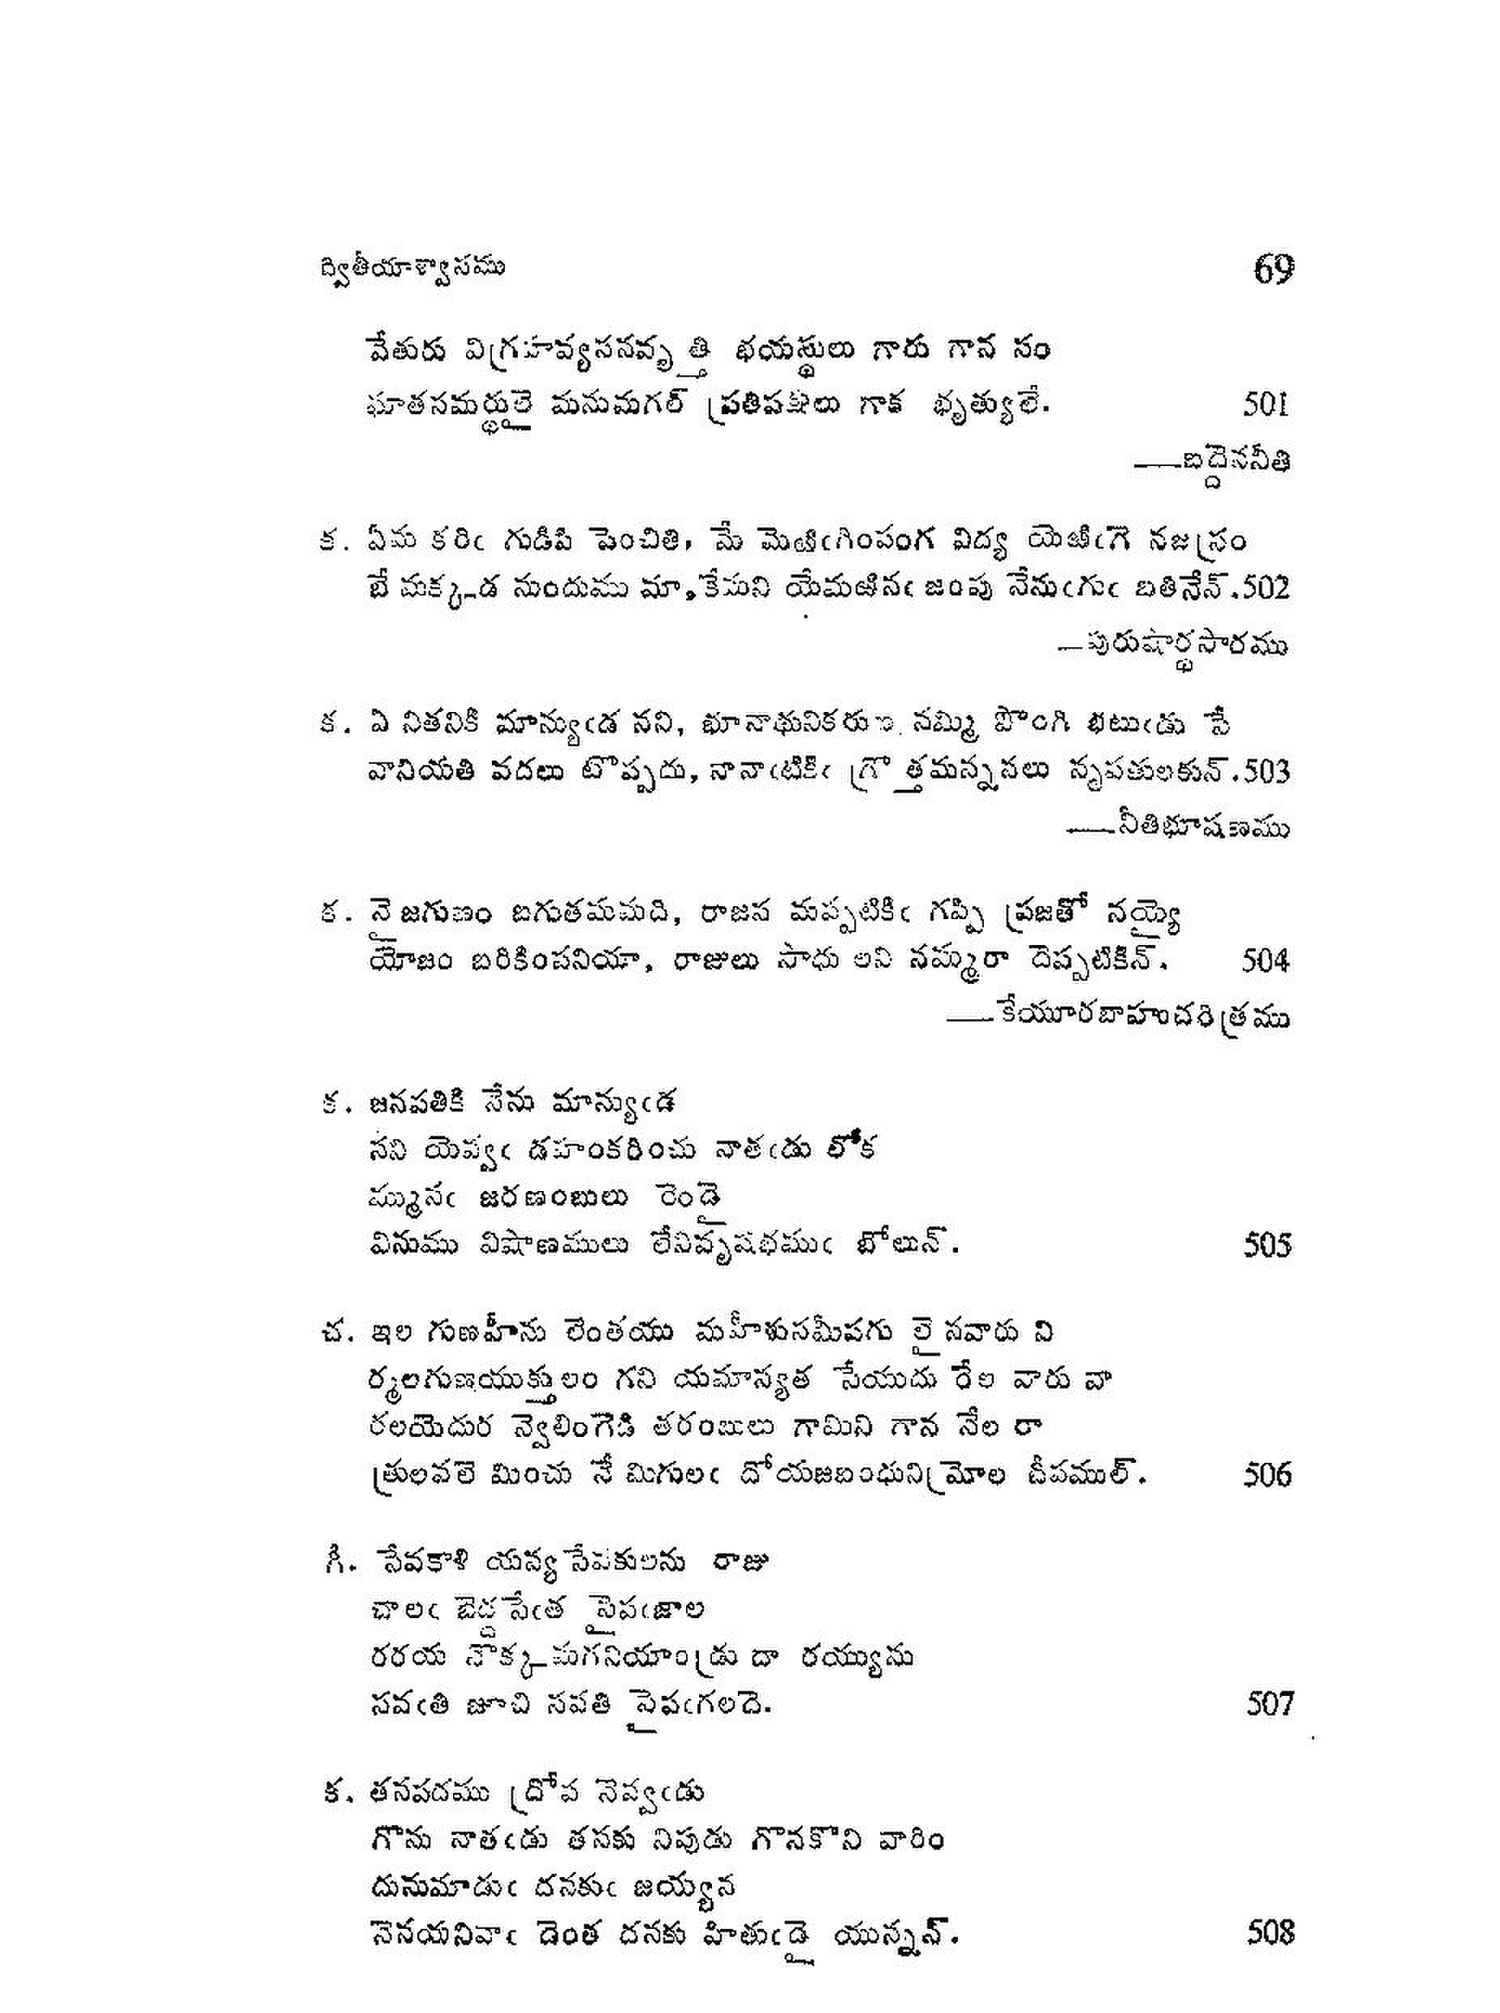వేతురు విగ్రహవ్యసనవృత్తి భయస్థులు గారు గాన సం
ఘాతసమర్థులై మనుమగల్ ప్రతిపక్షులు గాక భృత్యులే. 501

క. ఏమ కరిఁ గుడిసి పెంచితి
మే మెఱిఁగింపంగ విద్య యెఱిఁగె నజస్రం
బే మక్కడ నుందుము మా
కేమని యేమఱినఁ జంపు నేనుఁగుఁ బతినేన్. 502

క. ఏ నతనికి మాన్యుఁడ నని
భూనాథుని కరుణ నమ్మి పొంగి భటుఁడు సే
వానియతి వదలు టొప్పదు
నానాటికిఁ గ్రొత్తమన్ననలు నృపతులకున్. 503

క. నైజగుణం బగుతమమది
రాజస మప్పటికిఁ గప్పి ప్రజతో నయ్యై
యోదం బరికింపకయా
రాజులు సాధు లని నమ్మరా దెప్పటికిన్. 504

క. జనపతికి నేను మాన్యుఁడ
నని యెవ్వఁ డహంకరించు నాతఁడు లోక
మ్మునఁ జరణంబులు రెండై
వినుము విషాణములు లేని వృషభముఁ బోలున్. 505

చ. ఇల గుణహీను లెంతయు మహీశుసమీపగు లైనవారు ని
ర్మలగుణయుక్తులం గని యమాన్యత సేయుదు రేల వారు వా
రలయెదుర న్వెలింగెడి తరంబులు గామిని గాన నేల రా
త్రులవలె మించు నే మిగులఁ దోయజబంధునిమ్రోల దీపముల్. 506

గీ. సేవకాళి యన్యసేవకులను రాజు
చాలఁ బెద్దసేఁత సైపఁజాల
రరయ నొక్కమగనియాండ్రు దా రయ్యును
సవఁతి జూచి సవతి సైపఁగలదె. 507

క. తనపదము ద్రోప నెవ్వఁడు
గొను నాతఁడు తనకు నిపుడు గొనకొని వారిం
దునుమాడుఁ దనకుఁ జయ్యన
నెనయనివాఁ డెంత దనకు హితుఁడై యున్నన్. 508